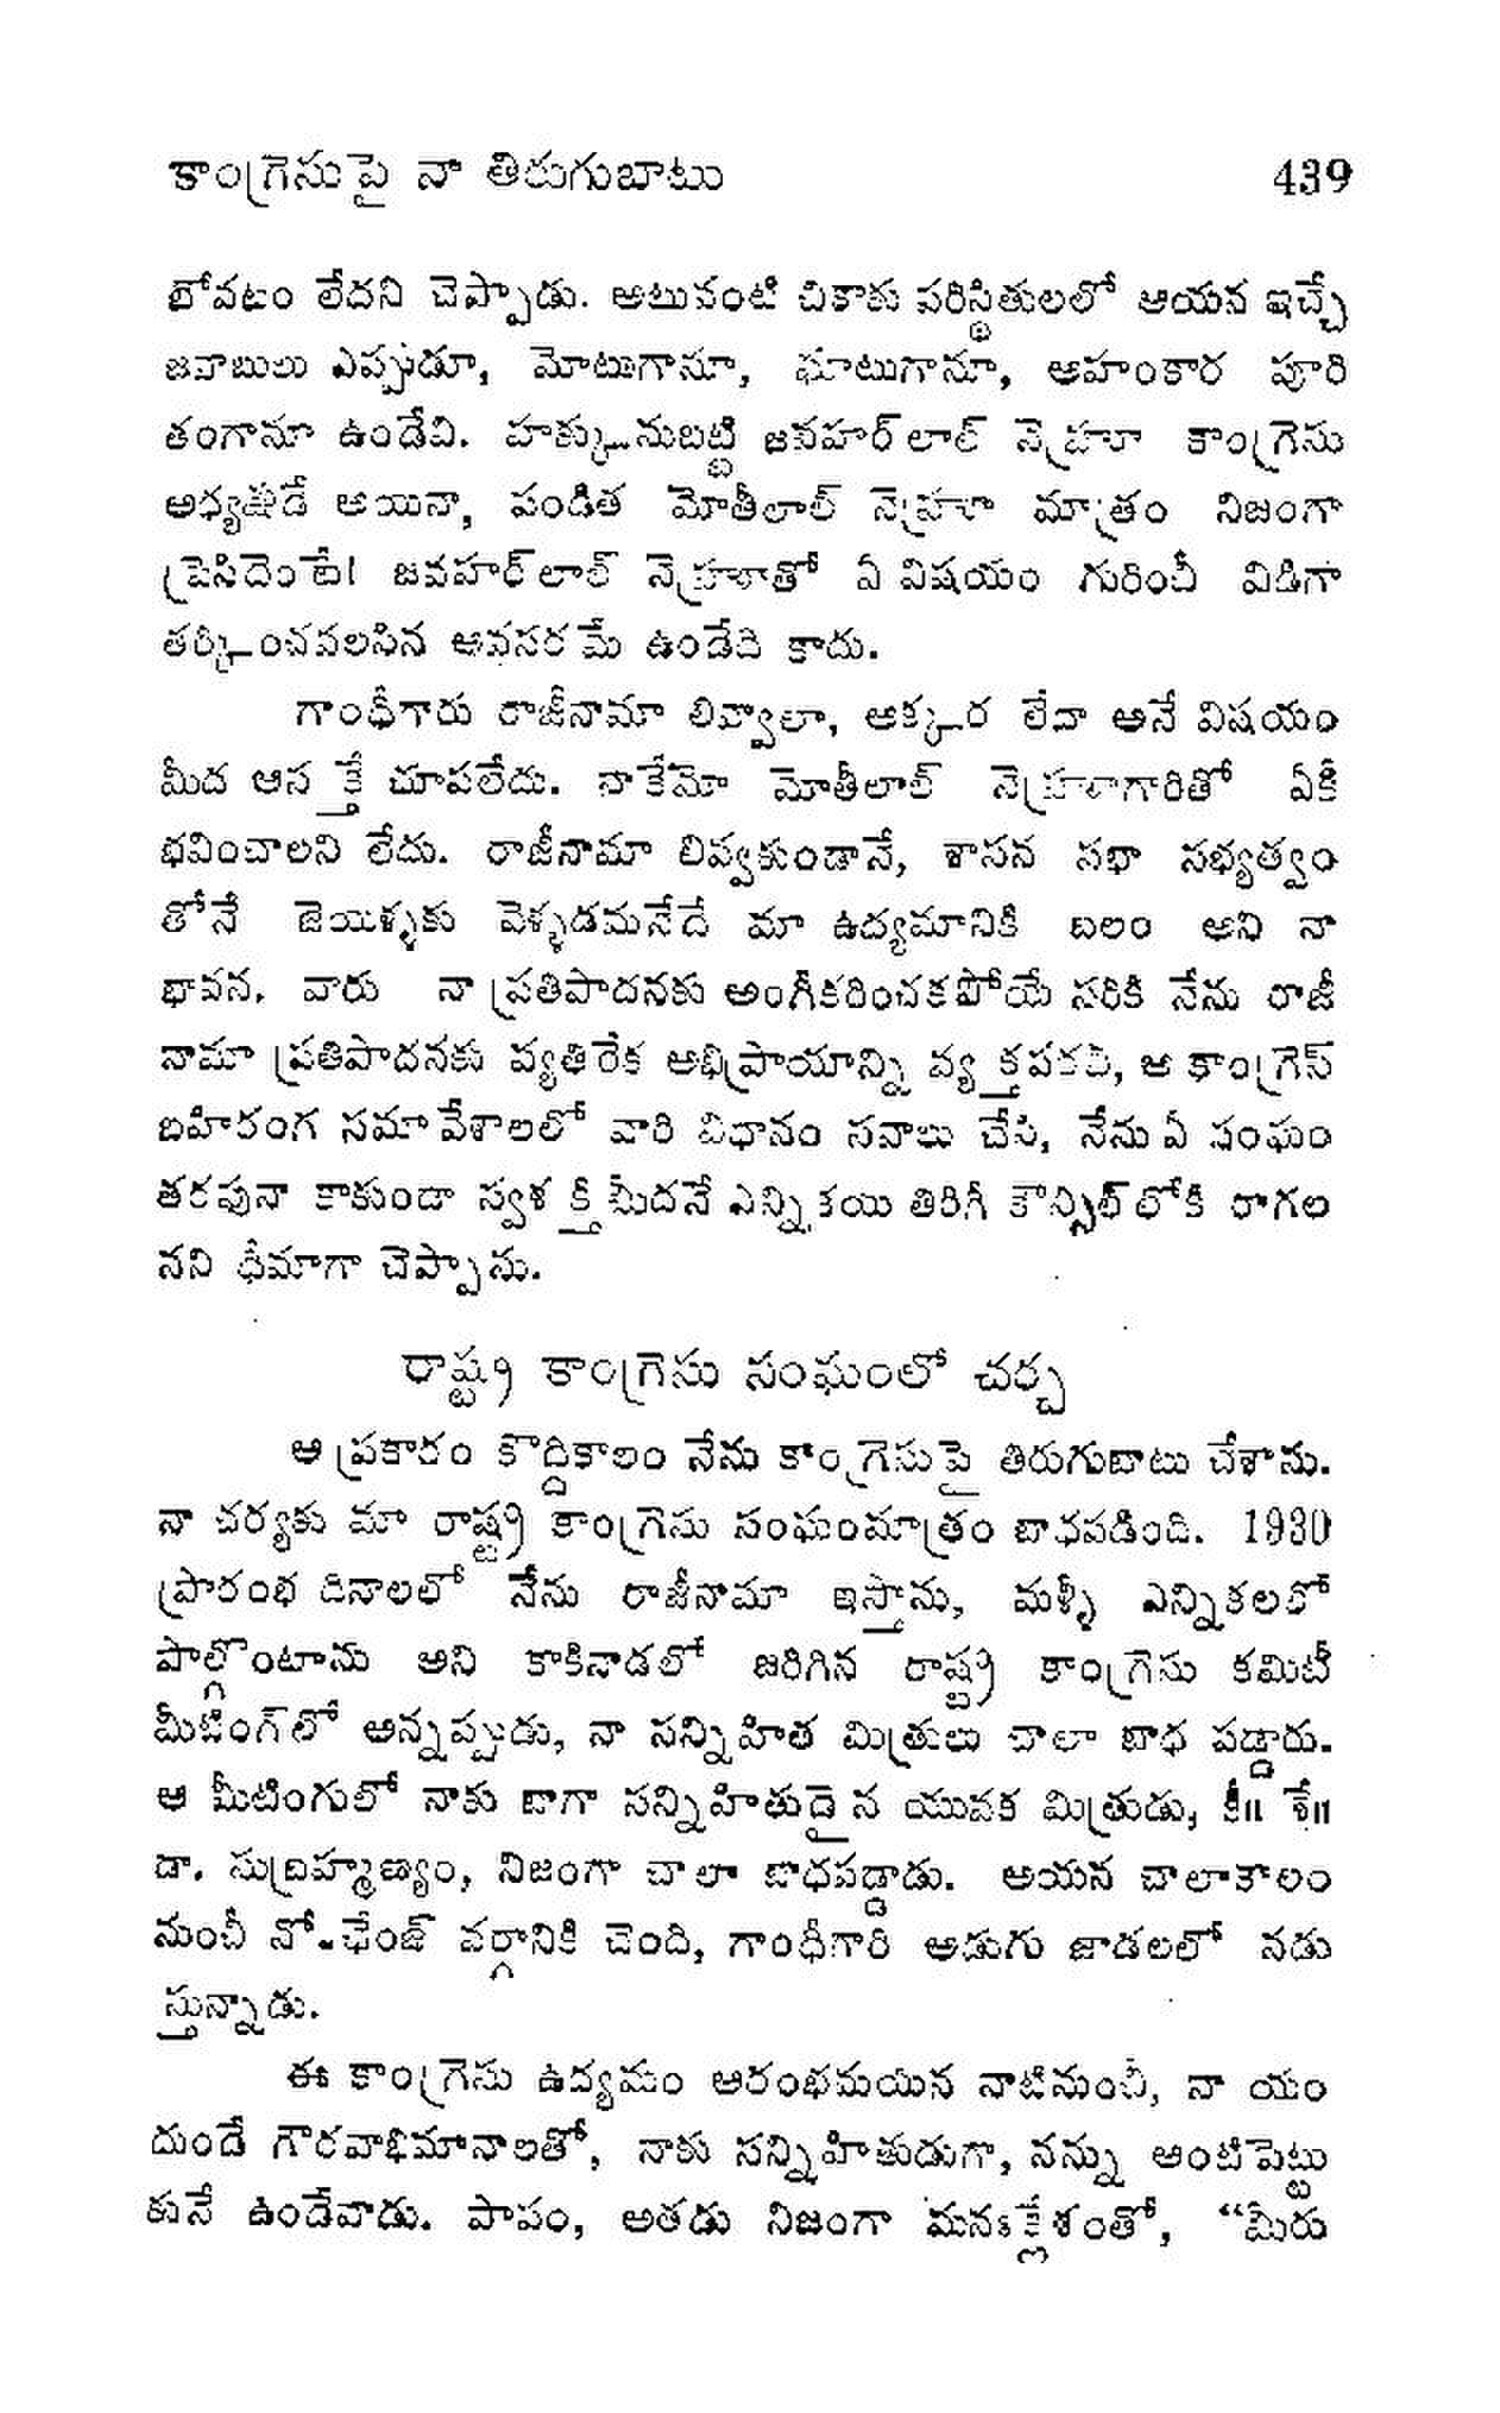బోవటం లేదని చెప్పాడు. అటువంటి చికాకు పరిస్థితులలో ఆయన ఇచ్చే జవాబులు ఎప్పుడూ, మోటుగానూ, ఘాటుగానూ, అహంకార పూరితంగానూ ఉండేవి. హక్కునుబట్టి జవహర్‌లాల్ నెహ్రూ కాంగ్రెసు అధ్యక్షుడే అయినా, పండిత మోతీలాల్ నెహ్రూ మాత్రం నిజంగా ప్రెసిడెంటే! జవహర్‌లాల్ నెహ్రూతో ఏ విషయం గురించీ విడిగా తర్కించవలసిన అవసరమే ఉండేది కాదు.

గాంధీగారు రాజీనామా లివ్వాలా, అక్కర లేదా అనే విషయంమీద ఆసక్తే చూపలేదు. నాకేమో మోతీలాల్ నెహ్రూగారితో ఏకీభవించాలని లేదు. రాజీనామా లివ్వకుండానే, శాసన సభా సభ్యత్వంతోనే జెయిళ్ళకు వెళ్ళడమనేదే మా ఉద్యమానికి బలం అని నా భావన. వారు నా ప్రతిపాదనకు అంగీకరించకపోయే సరికి నేను రాజీనామా ప్రతిపాదనకు వ్యతిరేక అభిప్రాయాన్ని వ్యక్తపరచి, అ కాంగ్రెస్ బహిరంగ సమావేశాలలో వారి విధానం సవాలు చేసి, నేను ఏ సంఘం తరపునా కాకుండా స్వశక్తిమీదనే ఎన్నికయి తిరిగి కౌన్సిల్‌లోకి రాగలనని ధీమాగా చెప్పాను. 

అ ప్రకారం కొద్దికాలం నేను కాంగ్రెసుపై తిరుగుబాటు చేశాను. నా చర్యకు మా రాష్ట్ర కాంగ్రెసు సంఘంమాత్రం బాధపడింది. 1930 ప్రారంభ దినాలలో నేను రాజీనామా ఇస్తాను, మళ్ళీ ఎన్నికలలో పాల్గొంటాను అని కాకినాడలో జరిగిన రాష్ట్ర కాంగ్రెసు కమిటీ మీటింగ్‌లో అన్నప్పుడు, నా సన్నిహిత మిత్రులు చాలా బాధ పడ్డారు. ఆ మీటింగులో నాకు బాగా సన్నిహితుడైన యువక మిత్రుడు, కీ॥ శే॥ డా. సుబ్రహ్మణ్యం, నిజంగా చాలా బాధపడ్డాడు. ఆయన చాలాకాలం నుంచీ నో - ఛేంజ్ వర్గానికి చెంది, గాంధీగారి అడుగు జాడలలో నడుస్తున్నాడు.

ఈ కాంగ్రెసు ఉద్యమం ఆరంభమయిన నాటినుంచీ, నా యందుండే గౌరవాభిమానాలతో, నాకు సన్నిహితుడుగా, నన్ను అంటిపెట్టుకునే ఉండేవాడు. పాపం, అతడు నిజంగా మన:క్లేశంతో, "మీరు